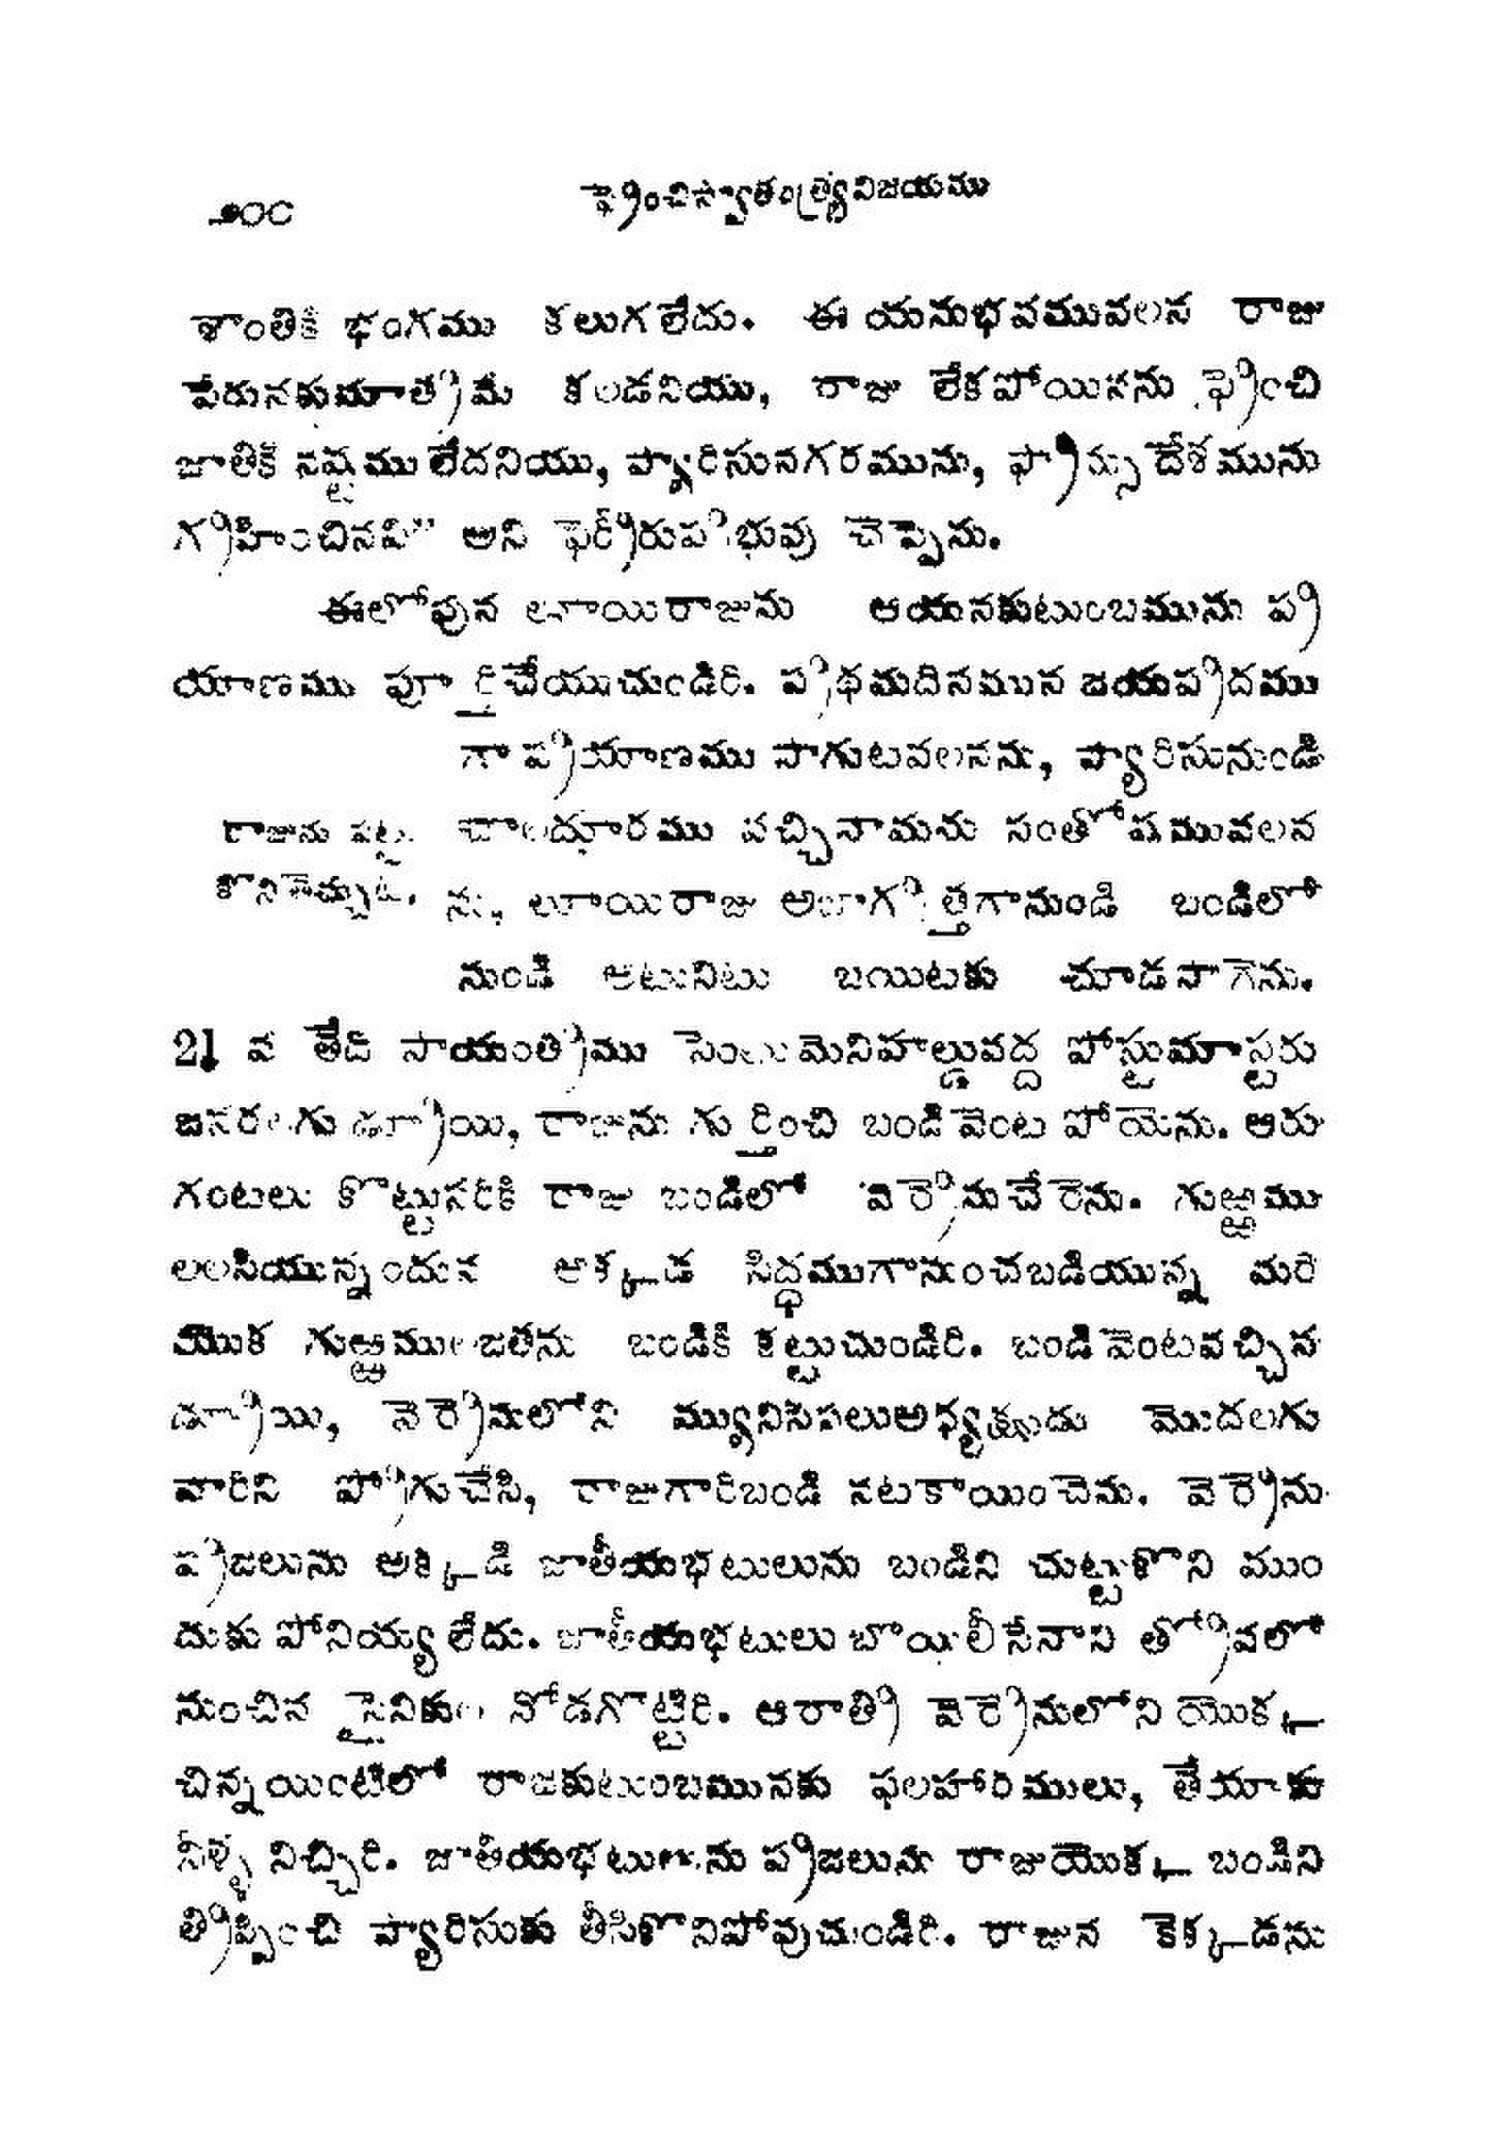రాజును .
బయిటకు
శాంతికి భంగము కలుగలేదు. ఈ యనుభవమువలన రాజు
పేరుకు మాత్రమే కలడనియు, రాజు లేకపోయినను .ఫ్రెంచి
జూతికి నష్టము లేదనియు, ప్యారిసు నగరమును, ప్రాన్సు దేశ ముసు
గ్రహించినవి" అని ఫెర్రీరు ప్రభువు చెప్పెను.

రాజును
పట్టుకొని 
తెచ్చుట
ఈలోపున లూయిరాజును ఆయనకుటుంబమును
ప్రయాణము పూర్తిచేయుచుండిరి. ప్రథమదిసమున జయప్రదము
గా సాగుటవలనను, ప్యారిసునుండిచాల దూరము వచ్చినామను సంతోషమువలన
ను, లూయిరాజు అజాగ్రత్తగానుండి బండిలో నుండి అటునిటు చూడసాగెను.
21 వ తేదీ సాయంత్రము సెంటుమెనిహల్దువద్ద పోస్టుమాస్టరు
జనరలగు డ్రూయి, రాజును గుర్తించి బండి వెంట పోయెను. ఆరు
గంటలు కొట్టు సరికి రాజు బండిలో విర్రిసు చే రెను. గుఱ్ఱము
లసియున్నందున అక్కడ సిద్ధముగా నుంచబడియున్న మరి
యొక గుఱ్ఱము జతను బండికి కట్టుచుండిరి. బండి వెంటవచ్చిన
డ్రూయి, నెర్రెసులోని మ్యునిసిపలు అధ్యక్షుడు మొదలగు
వారిని పోగుచేసి, రాజు గారి బండి సటకాయించెను. వెర్రెను
ప్రజలును అక్కిడి జాతీయ భటులును బండిని చుట్టుకొని ముం
దుకు పోనియ్య లేదు. జాతీయ భటులు బొయిలీ సేనాని త్రోవలో
నుంచిన సైనికుల నోడగొట్టిరి. ఆరాత్రి వెర్రెనులోని యొక -
చిన్నయింటిలో రాజకుటుంబమునకు ఫలహారములు, తేయాకు
నీళ్ళ నిచ్చిరి. జూ తీయటును ప్రజలును రాజు యొక్కబండిని
త్రిప్పించి ప్యారిసుకు తీసికొనిపోవుచండిరి. రాజున కెక్కడను